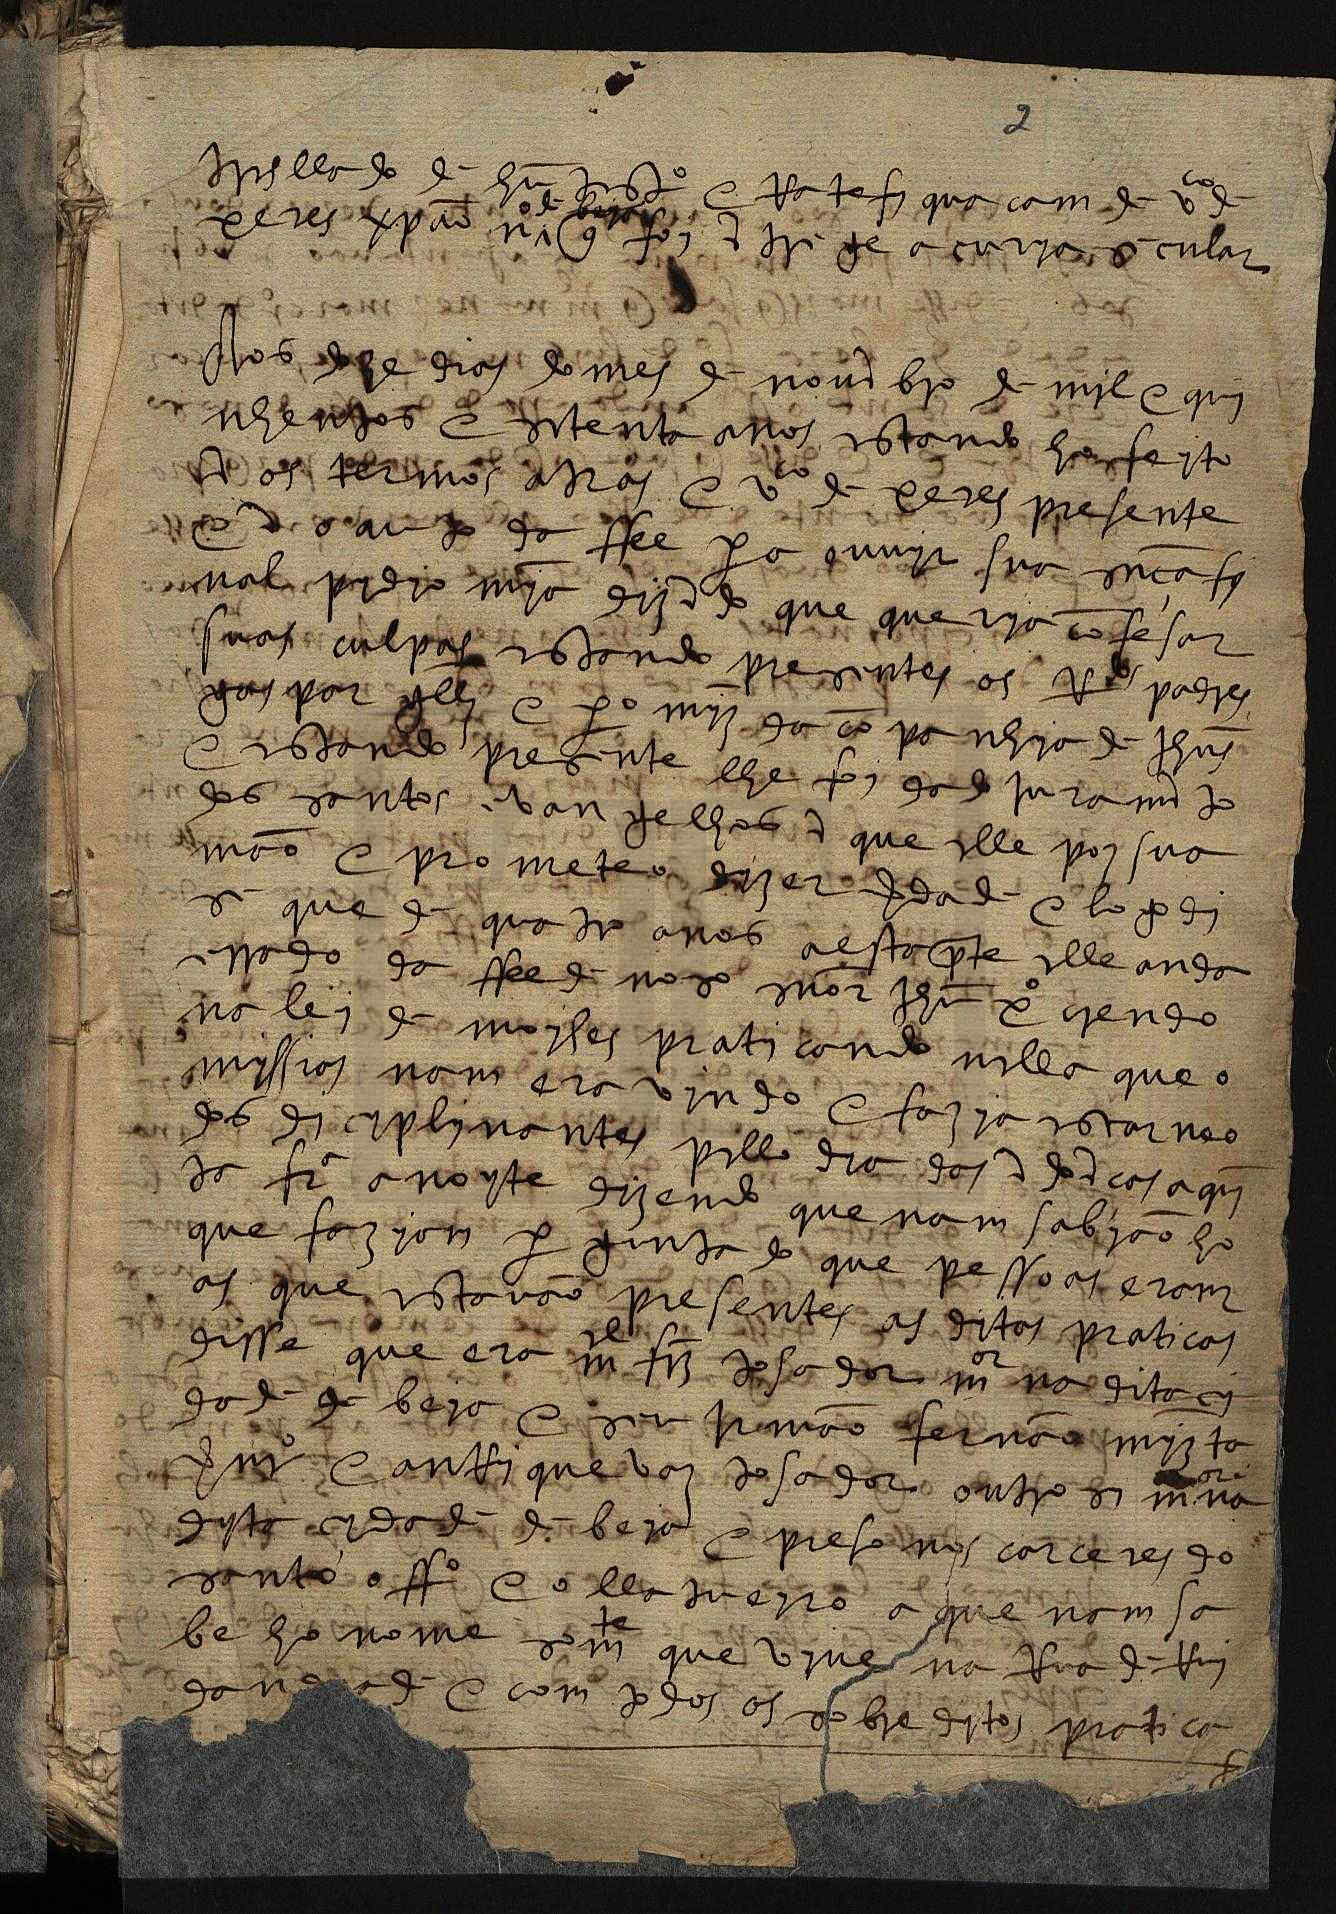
tresllado de hū testo e Ratefjquaçam de vco de
xeres xpão no de beja q̄ foy ētrege a curya secular
Aos doze dias do mes de nouēbro de mil e quy
nhentos e setenta anos estando ho feyto
ē os termos atras e vco de xeres presente
e ē o auto da ffee ꝑa ouuyr sua snç̄a fy
nal pydyo mȳa dizēdo que querya c̄ofesar
suas culpas estando presentes os Rdos padres
gaspar gl̄lz e ꝑo mȳz da cōpanhia de Jhūs
e estando presente lhe foy dado Juramēto
dos santos evangelhos ē que elle poz sua
mão e prometeo dyzer ꝟdade e logo dy
se que de quatro anos a esta p̄te elle anda
errado da ffee de noso snōr Jhū xo crendo
na ley de moyses pratycando nella que o
myssias nam era vyndo e fazya escarneo
dos dycyplynantes pello dya das ēdoēças a quȳ
ta fra a noyte dizendo que nam sabyão ho
que fazyam ꝑguntado que pessoas eram
as que estauaõ presentes as dytas praticas
disse que era mel fr̄z tosador mor na dita cy
dade de beya e seu Jrmão fernão myz̄ta
ꝟnro e anRyque vaz tosador outrosi mor na
dyta cydade de beya e preso nos carceres do
santo offo e o llatueyro a que nam sa
be ho nome somte que viue na Rua de Ruy
dandrade e com todos os sobredytos pratica
